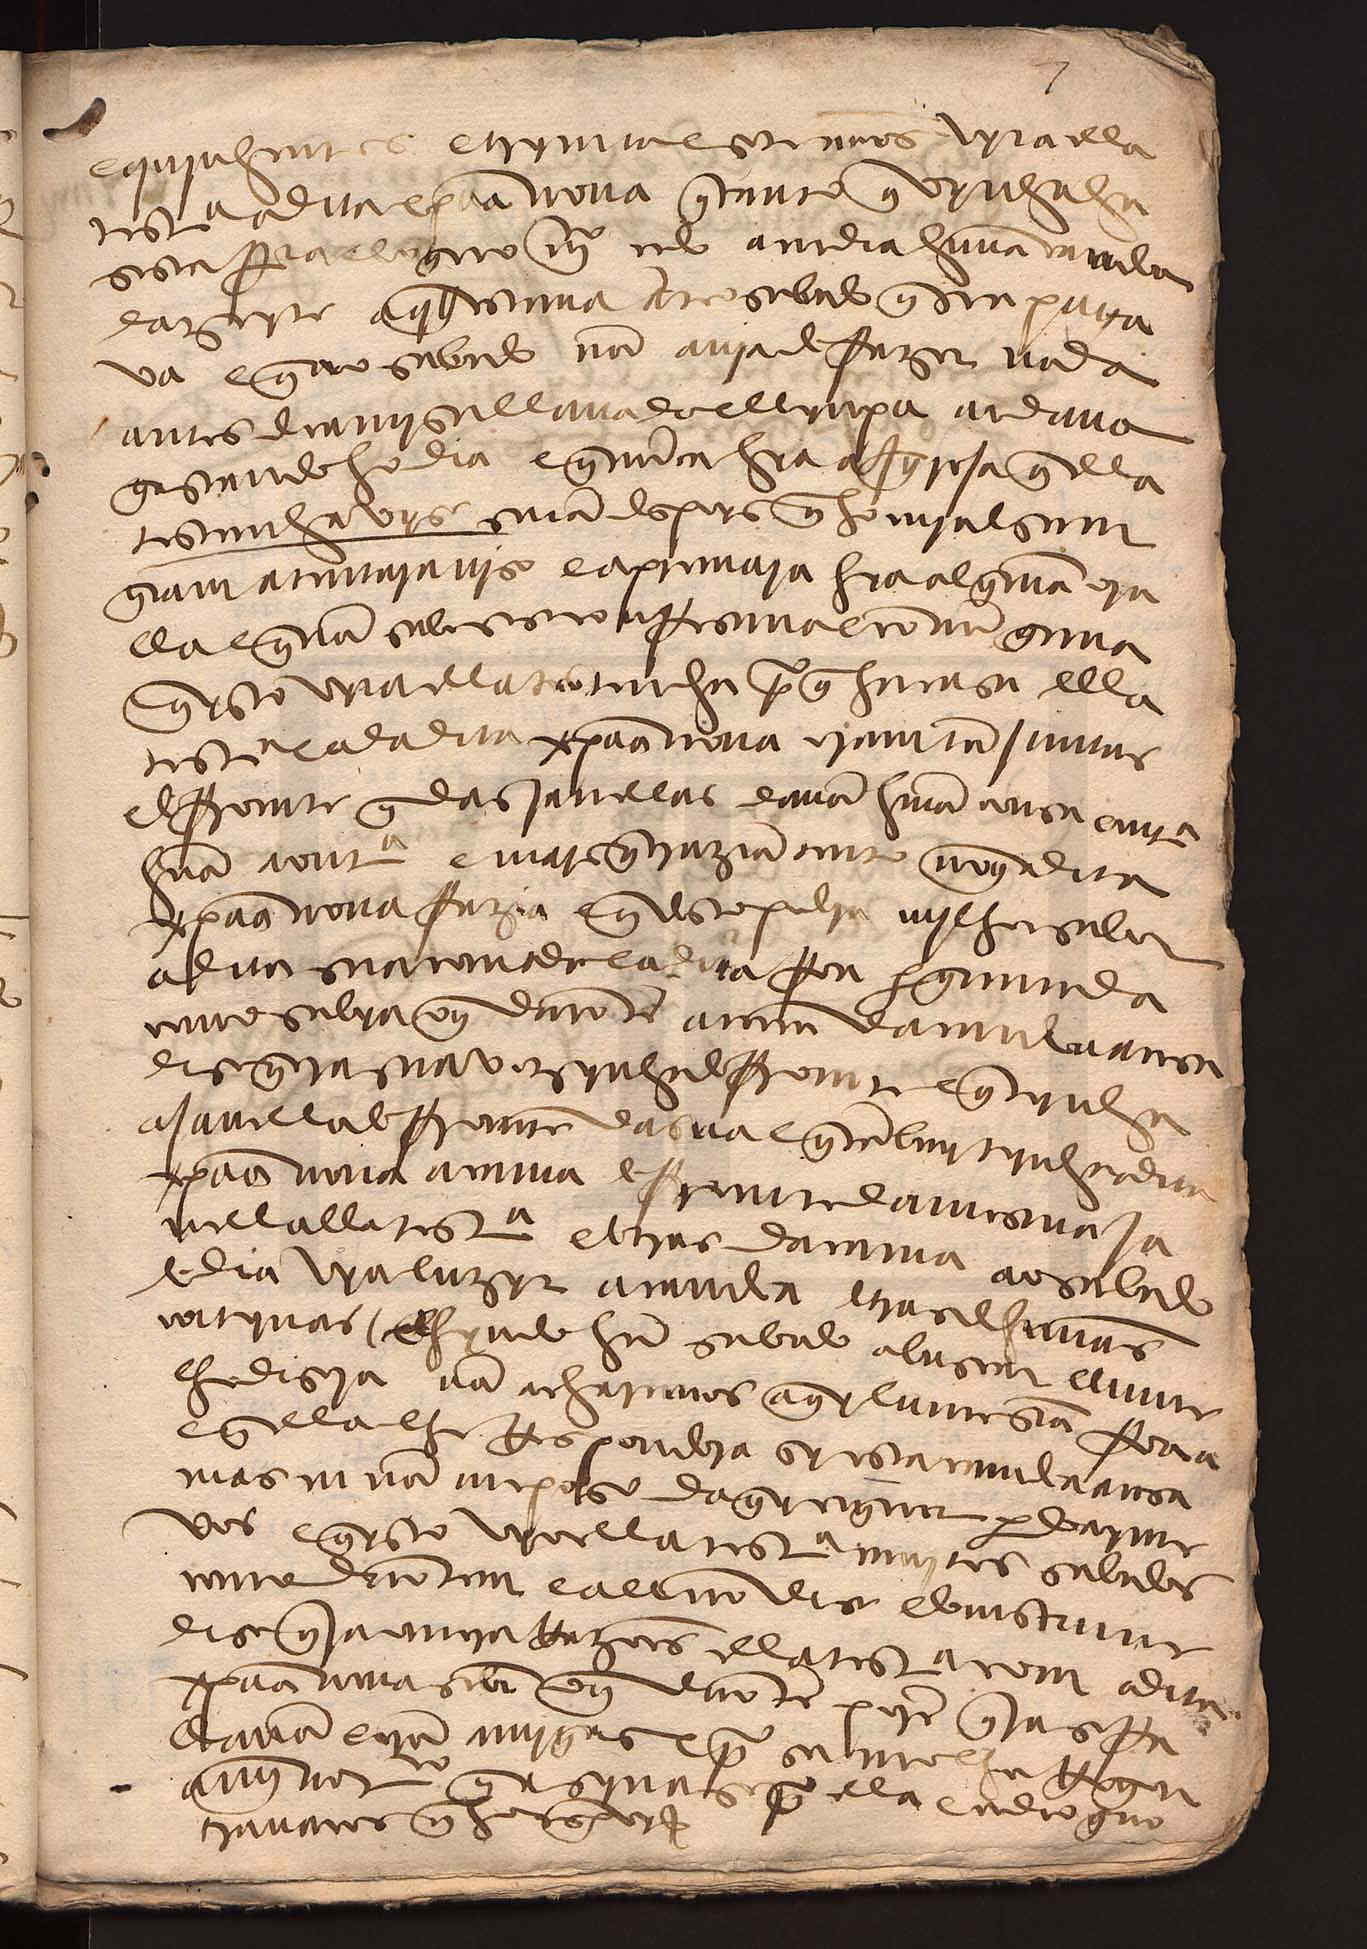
7
e qujnhentos e trymta e sete anos vyra ella
testa a dita xp̄aa noua q̄ tanto q̄ vynha ha
sesta fra lloguo mto cedo acendia huūa candea
dazeyte a q̄ll estaua ate o sabado q̄ se apaga
va e q̄ ao sabado nā a uja de fazer nada
antes de camjsa llauada e llynpa andaua
gastando ho dia e q̄ nūca hya a Jgreja q̄ ella
testemunha vyse senā despoys q̄ ho cura de sam
giam atentara njso e a premara hya alguūa ora
lla e q̄ nā sabe se se confesaua e comūgaua
e q̄ ysto vyra ella testemunha p̄oq̄ ha casa della
testa e a da dita xp̄aa noua eram tā Juntas
e defromte q̄ das Janellas dauā huā cousa emta
huā a outa e majs q̄ traziā tento no q̄ a dita
xpaā noua fazia e q̄ desto podja mjlhor saber
a dita sua comadre e a dita foe ꝑguntada
como sabya o q̄ dito tē acerca da candea acesa
dise q̄ era sua visynha defromte e q̄ tynha
a Janella defromte da sua e q̄ tābem tynha a dita
xpāa noua a cama defromte da mesma Ja
nella dela testa e detras da cama ao sabado
de dia vya luzyr a candea detras de huūas
cortynas / E hyndo hū sabado a buscar llume
lhe disera nā acharemos aq̄y lume s̄ra foaa
e q̄ ella lhe Respondera sy esta camdea acesa
mas eu nā me poso daq̄y erguer ꝑdoayme
vos e q̄ ysto vyo ella testa mujtos sabados
como dito tem e all nō dise e do custume
dise q̄ Ja ouuera Razões ella testa com a dita
xpaā noua sōbr o q̄ dito tē porē q̄ Ja se fa
llauā e erā amjgas e p̄o ser molher Rogou
a mj̄ notro q̄ asynase p̄o ella e eu dioguo
trauacos q̄ ho esp̄vy
